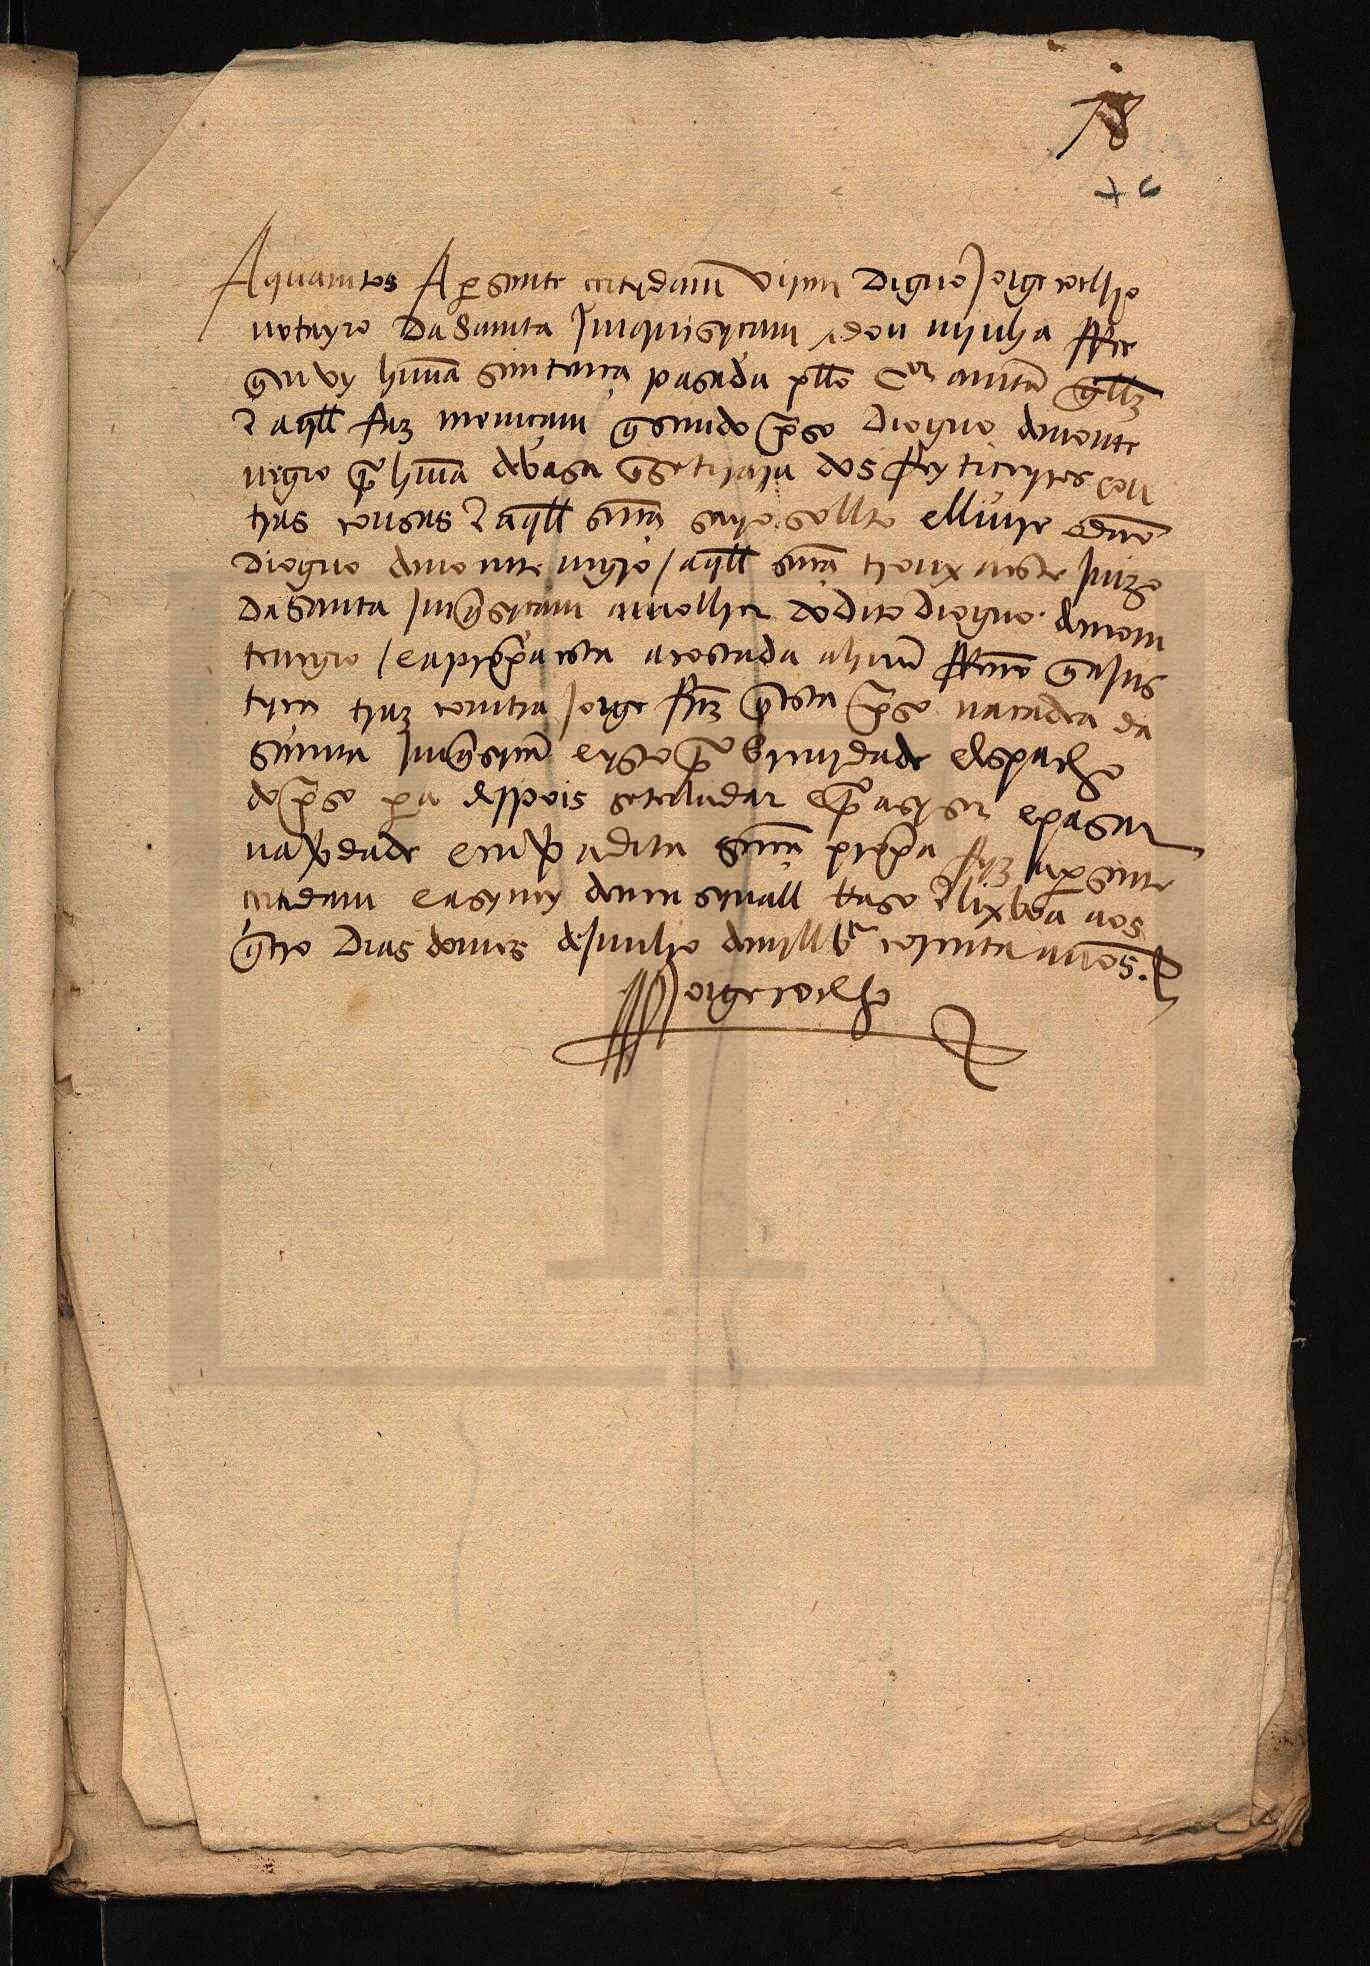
A quamtos A ꝑsemte certydam virem diguo Jorge coelho
notayro da Samta Jmquisyçam e dou mjnha ffee
q̄ eu vy huūa semtença pasada pl̄lo Cor amtā gl̄lz
ē a q̄ll faz memçam q̄ semdo p̄so Dioguo de mote
negro p̄o hūua devasa q̄ se tirara dos feyticeyros e ou
tras cousas ē a q̄ll sn̄ça sayo sollto e lliure o dito
dioguo de momtenegro / a q̄ll sn̄ça troux a este Juizo
Da Santa Jmq̄syçam a molher do dito dioguo de mom
tenegro / e a prop̄a esta acostada a huū ffecto q̄ a Jus
tyça traz comtra Jorge fr̄rz q̄ esta p̄so na cadea da
samta Jmq̄syçā e ysto p̄o breujdade e despacho
do p̄so ꝑa despois se terladar e p̄o asy ser e pasar
na ꝟdade e eu ꝟ a dita sn̄ça prop̄a fyz a ꝑsente
certidam e asyney de meu synall Raso ē lixboa aos
q̄tro Dias do mes de Junho de mjll vc corenta anōs.
Jorge coelho
